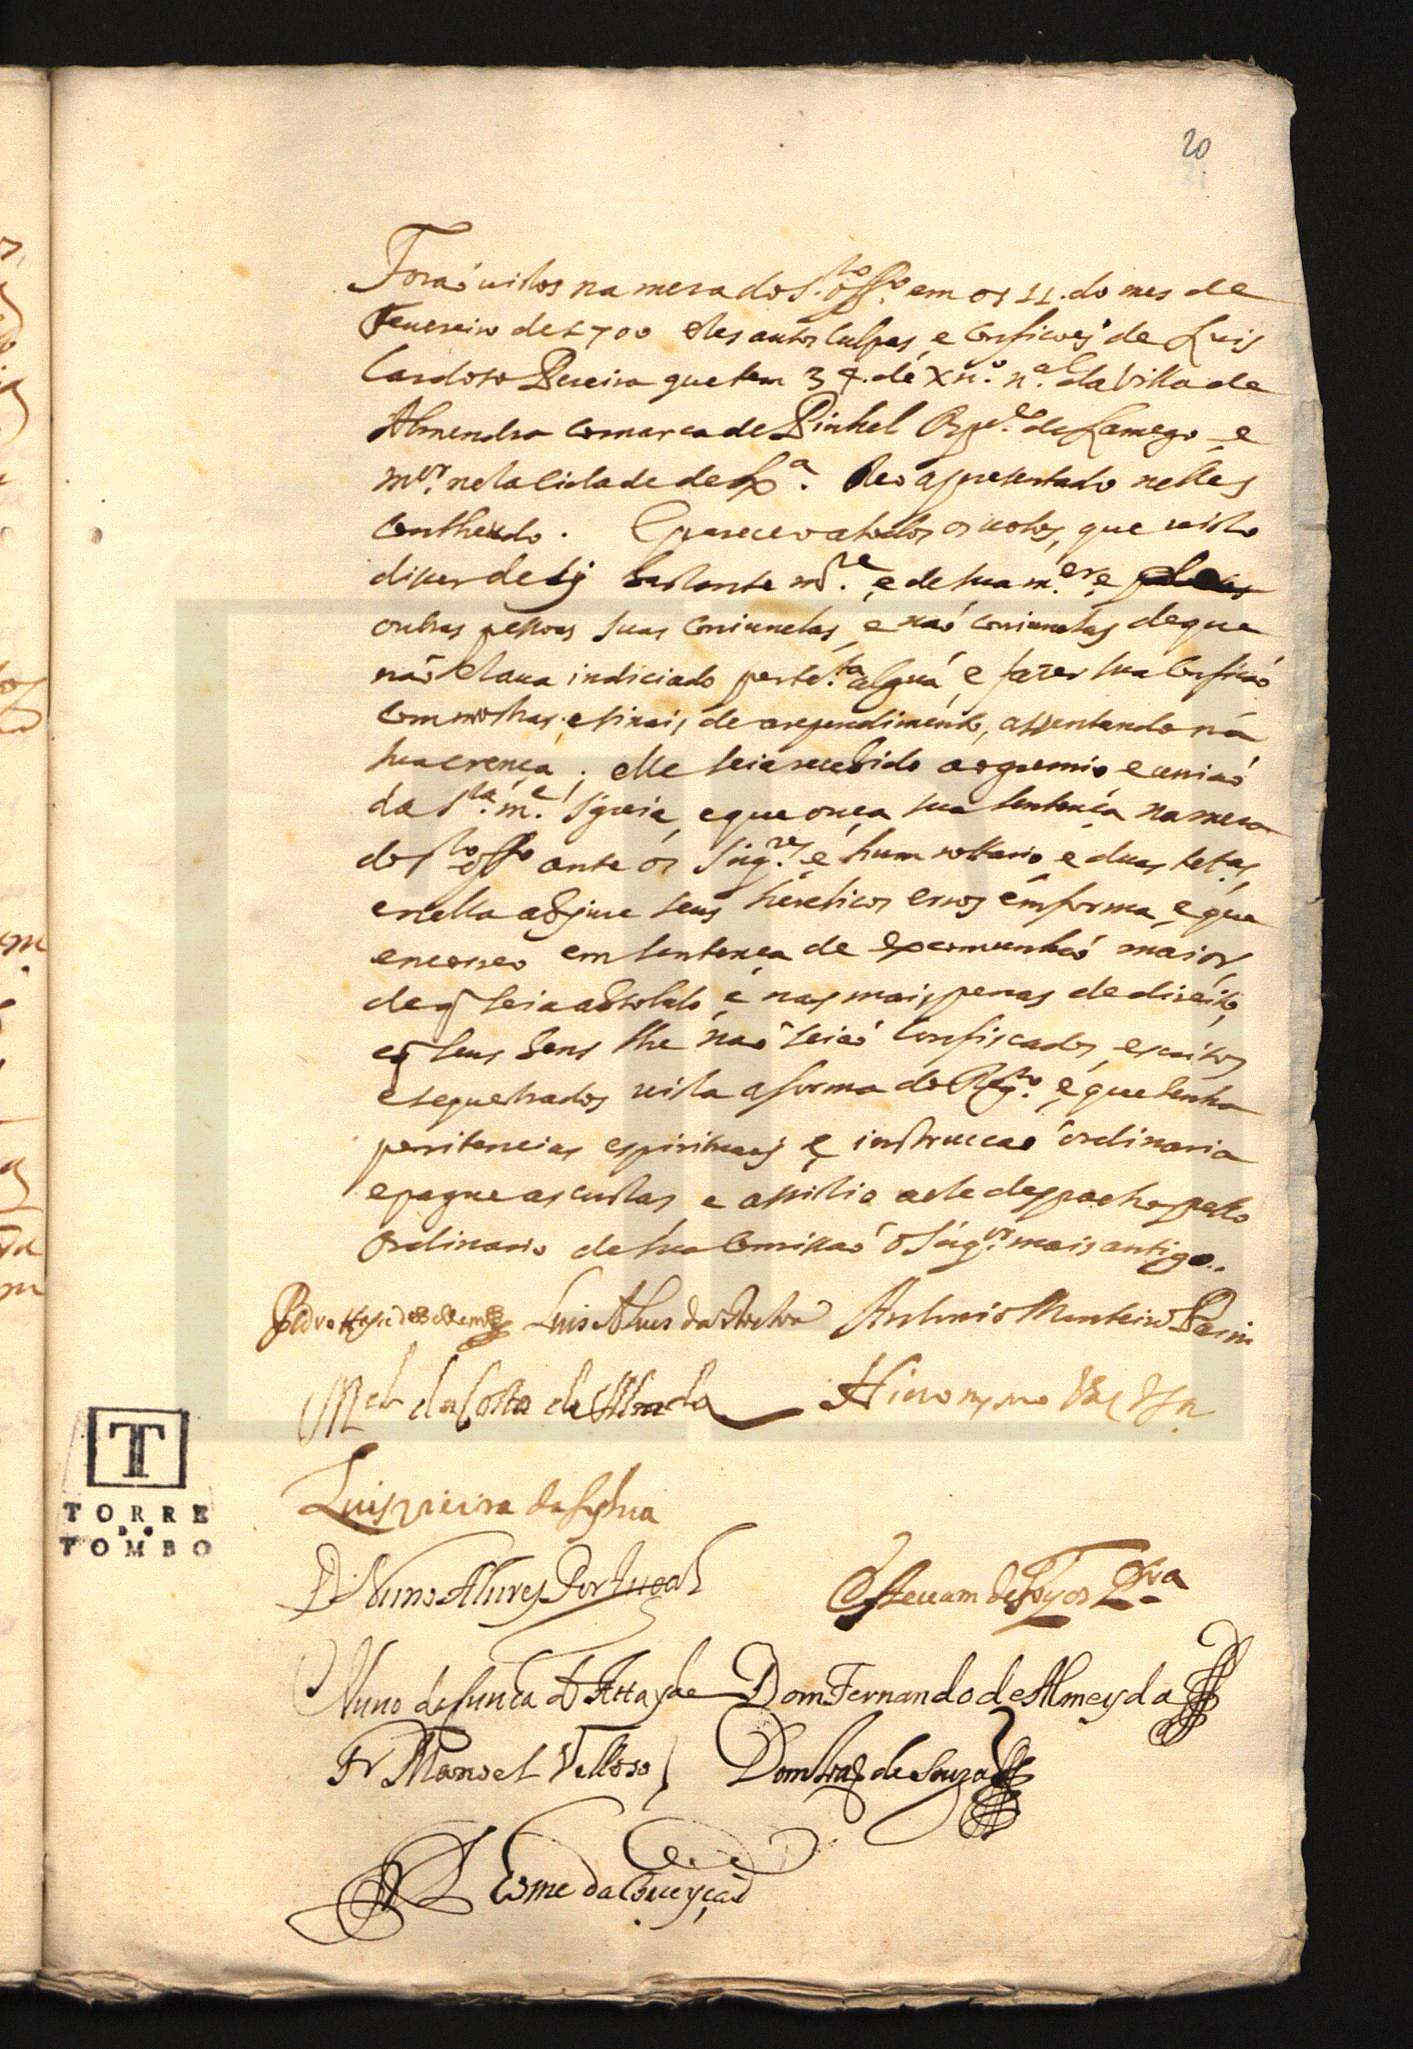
Foraõ uistos na meza do s.to off.o em os 11. do mes de
Feuereiro de 1700 estes autos Culpas, e conficoes̄ de Luis
Cardoso Pereira que tem 34. de xn.o n.al da villa de
Almendra comarca de Pinhel Bp.do de Lamego, e
m.or nesta cidade de Lxa. Reo apresentado nelles
contheudo. E pareceo a todos os uotos, que uisto
disser de sy bastantem.te, e de sua m.er, e p____
outras pessoas suas coniunctas, e naõ coniunctas de que
naõ estaua indiciado por tes.ta alguā, e fazer sua Conficaõ
com mostras; e sinais de arependimento, assentando na
sua crença; elle seia recebido ao gremio e uniaõ
da sta. m.e Igreia, e que ouça sua sentença na mesa
do sto offo ante os Inq.res e hum nottario, e duas test.as,
e nella abjure seus hereticos erros em forma, e que
encorreo em sentença de excomunhaõ maior,
de q̄ seia absoluto, e nas mais penas de direito,
e q̄ seus bens lhe naõ seiaõ confiscados, escritos
e sequestrados uista a forma do Reg.to, e que tenha
penitencias espirituais, e instruccaõ ordinaria
e pague as custas, e assistio a este despacho pello
Ordinario de sua comissaõ o Inq.or mais antigo.
